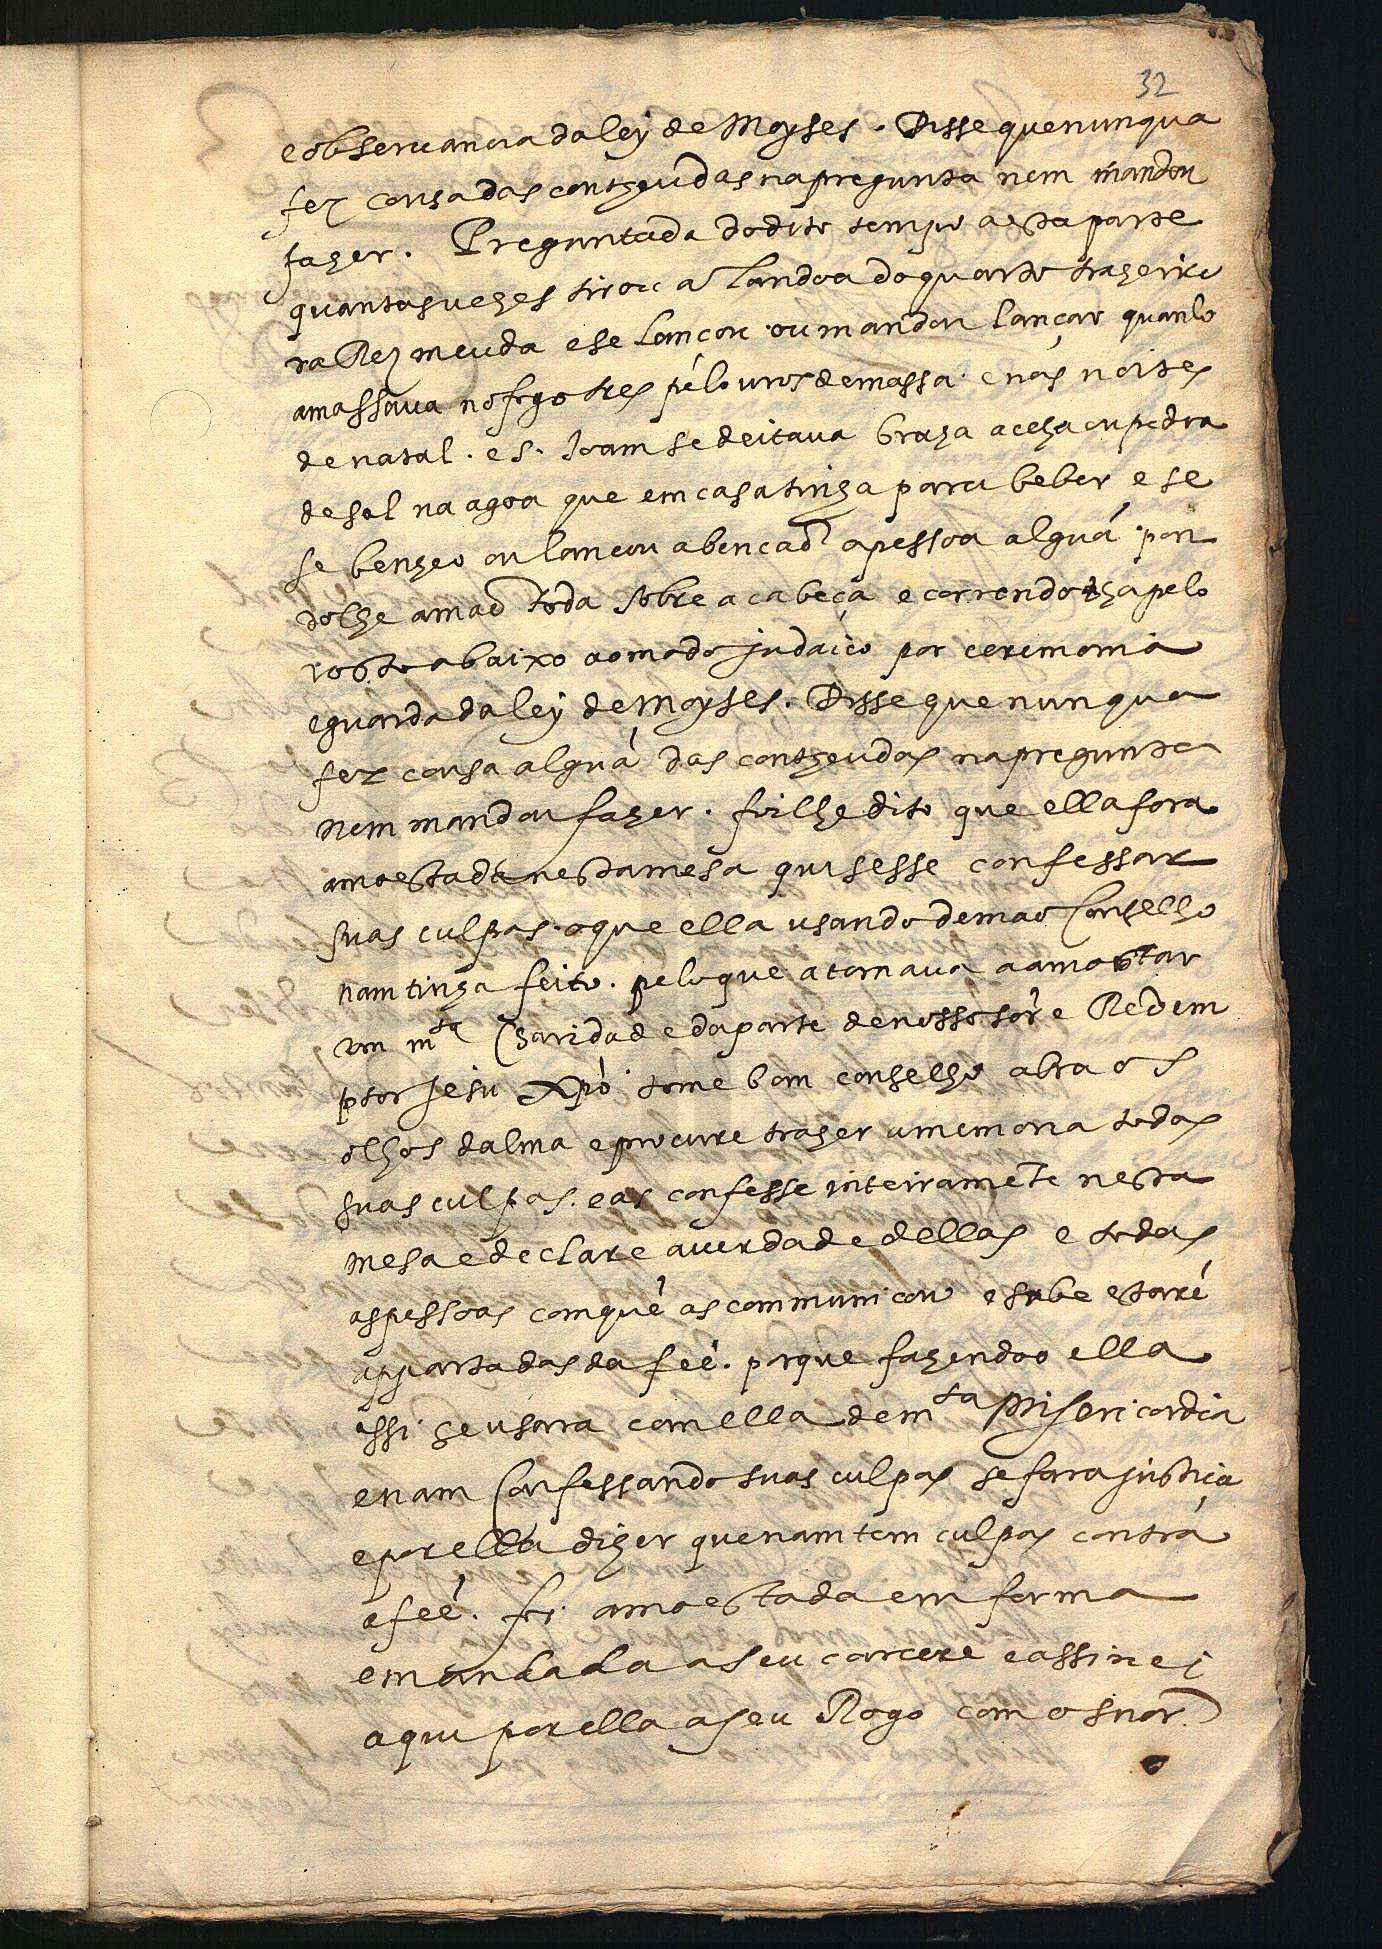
e obseruancia da ley de Moyses. Disse que nunqua
fez cousa das contheudas na pregunta nem mandou
fazer. Preguntada do dito tempo a esta parte
quantas uezes tirou a Landoa do quarto trazeiro
na Res meuda e se Lançou ou mandou Lançar quando
amassaua no fogo tres pelouros de massa. e nas noites
de natal. e s. Ioam se deitaua braza aceza em pedra
de sal na agoa que em casa tinha para beber e se
se benzeo ou lancou a bencaõ a pessoa alguā pon
dolhe a maõ toda sobre a cabeça e correndolha pelo
rosto abaixo ao modo judaico por ceremonia
e guarda da ley de Moyses. Disse que nunqua
fez cousa alguā das contheudas na pregunta
nem mandou fazer. foi lhe dito que ella fora
amoestada nesta mesa quisesse confessar
suas culpas. o que ella usando de mao Conselho
nam tinha feito. pelo que a tornaua a amoestar
com mta Charidade da parte de nosso sor̄ e Redem
ptor Jesu Xpō tome bom conselho abra os
olhos dalma e procure trazer a memoria todas
suas culpas. e as confesse inteiramēte nesta
mesa e declare a uerdade dellas e todas
as pessoas com quē as communicou e sabe estarē
appartadas da feé. porque fazendoo ella
assi se usara com ella de mta Misericordia
e nam Confessando suas culpas se fara justiça
e por ella dizer que nam tem culpas contra
a feé. foi amoestada em forma
e mandada a seu carcere e assinei
aqui por ella a seu Rogo com o snor̄
